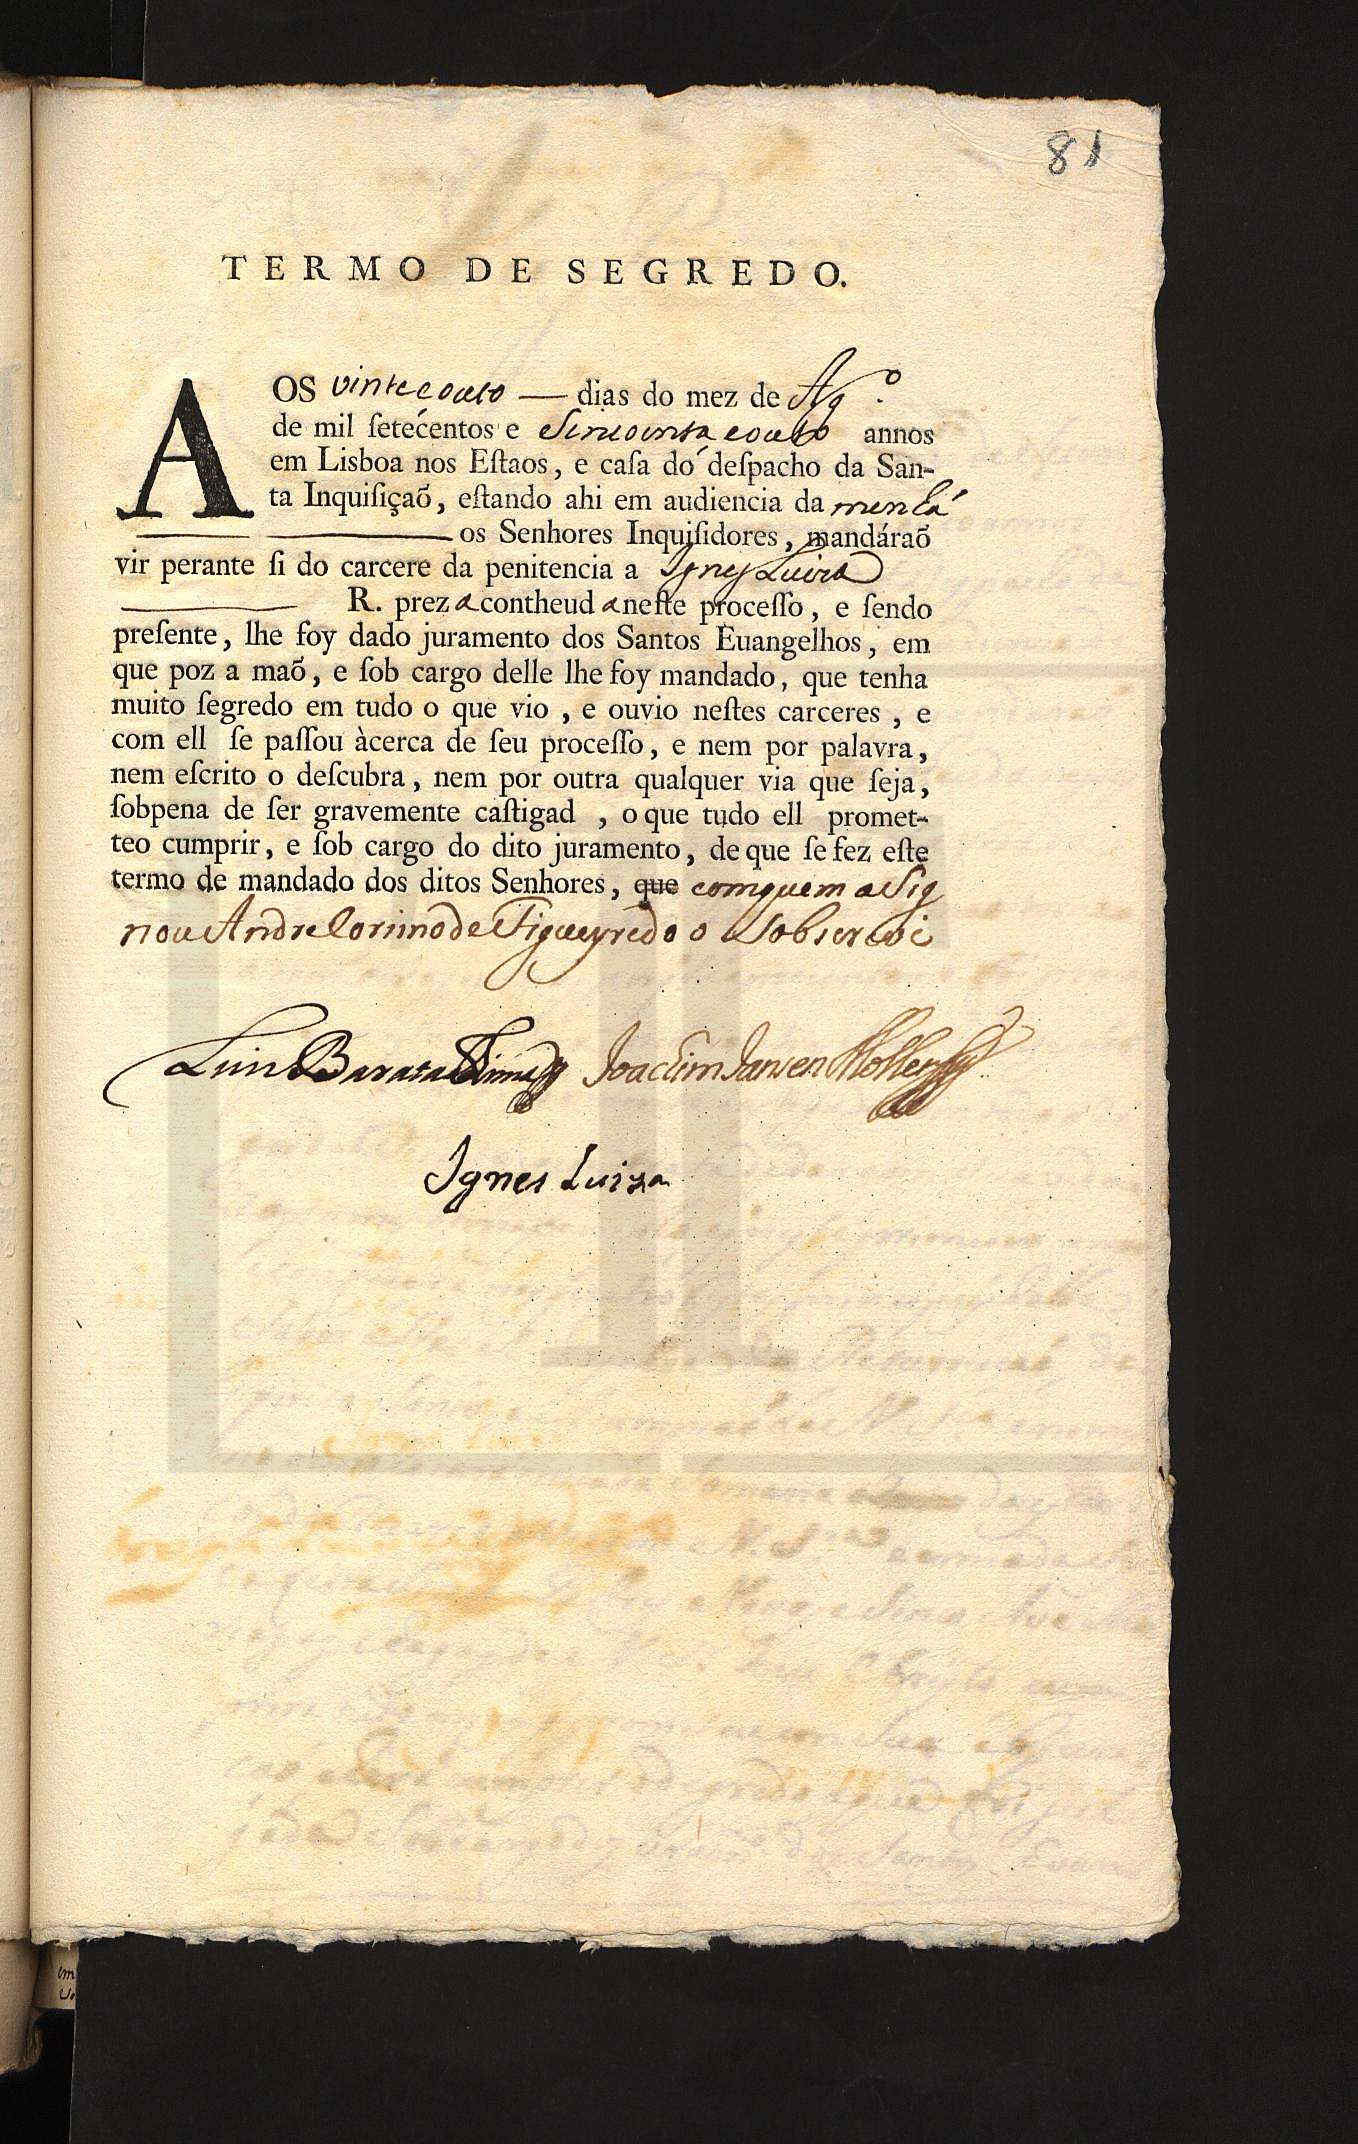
TERMO DE SEGREDO.
Os vinte, e outo - dias do mez de Ag.o
de mil setecentos e Sincoenta, e outto annos
em Lisboa nos Estaos, e casa do despacho da San
ta Inquisiçaõ, estando ahi em audiencia da menhã
os Senhores Inquisidores, mandáraõ
vir perante si do carcere da penitencia a Ignes Luiza
R. preza contheuda neste processo, e sendo
presente, lhe foy dado juramento dos Santos Euangelhos, em
que poz a maõ, e sob cargo delle lhe foy mandado, que tenha
muito segredo em tudo o que vio, e ouvio nestes carceres, e
com ell se passou àcerca de seu processo, e nem por palavra,
nem escrito o descubra, nem por outra qualquer via que seja,
sob pena de ser gravemente castigad, o que tudo ell promet
teo cumprir, e sob cargo do dito juramento, de que se fez este
termo de mandado dos ditos Senhores, que com quem asig
nou Andre Corsino de Figueyredo o Sobscrevi
Luiz Barata d̄ lima Ioachim Iansen Moller
Ignes Luiza
